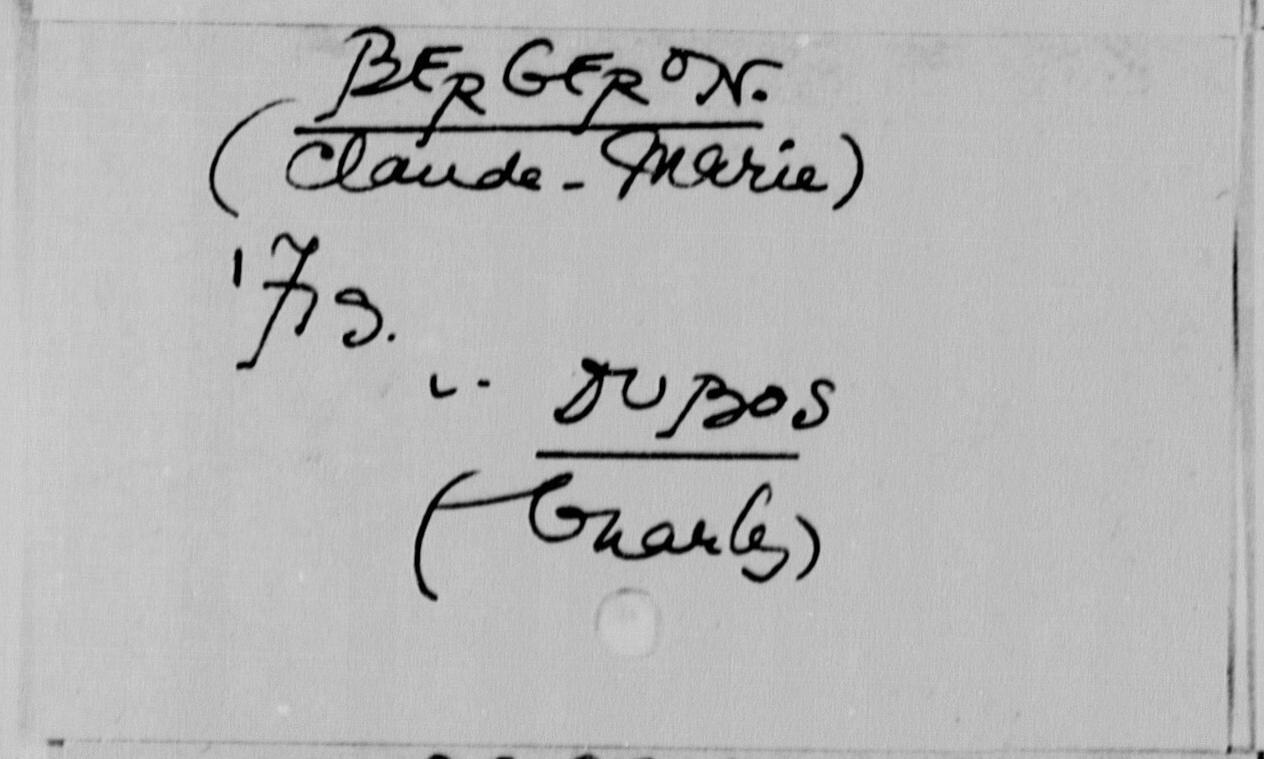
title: BERGERON (Claude-Marie)
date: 1719
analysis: Voir : DUBOS (Charles)
